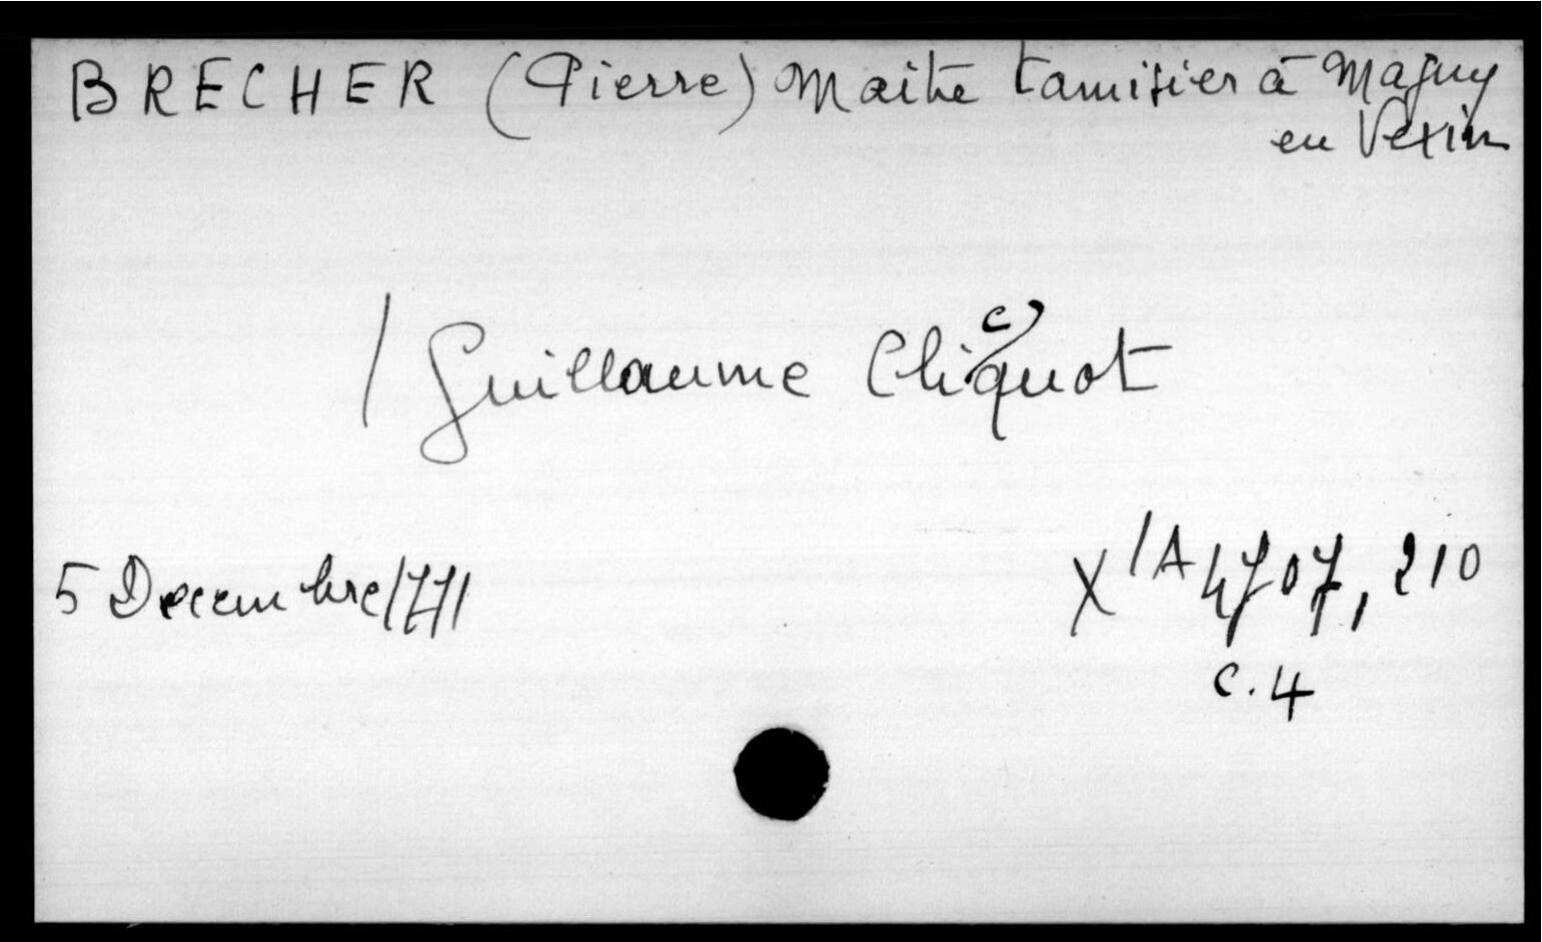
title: BRECHER (Pierre) Maître tamisier à Magny en Vexin
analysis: Contre Guillaume Chicquot
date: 5 décembre 1771
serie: X1A
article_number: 4707
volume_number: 210 Conseil, 4
